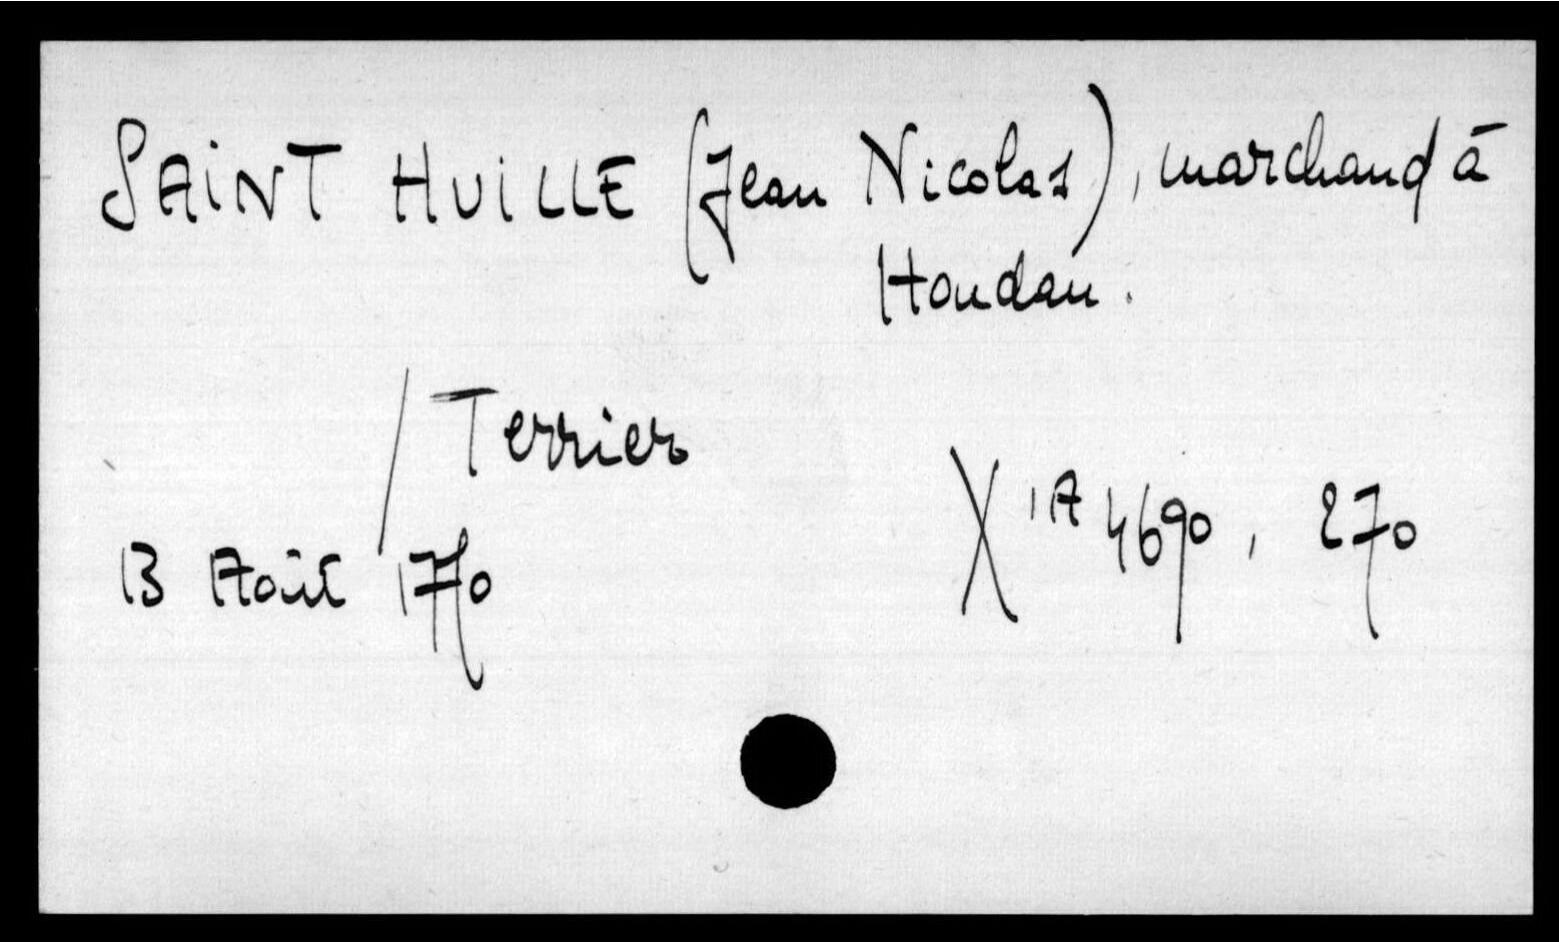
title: SAINT HUILLE (Jean Nicolas), marchand à Houdan
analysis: Contre Terrier
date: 13 août 1770
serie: X1A
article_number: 4690
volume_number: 270
